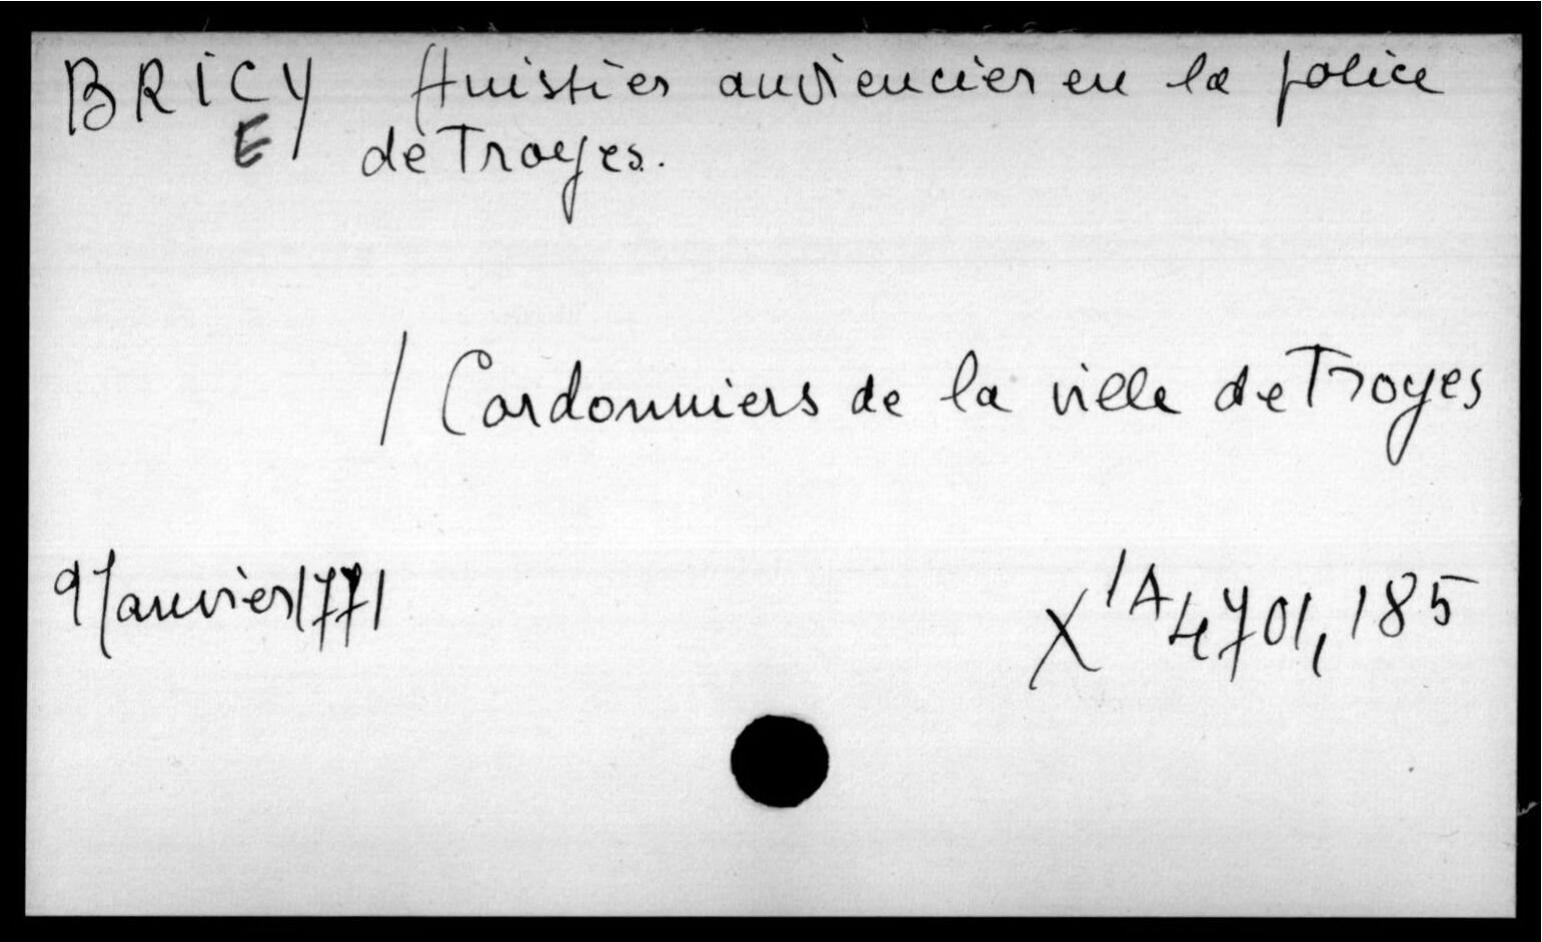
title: BRICEY Huissier audiencier en la police de Troyes.
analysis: Contre Cordonniers de la ville de Troyes
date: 9 janvier 1771
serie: X1A
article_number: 4701
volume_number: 185
